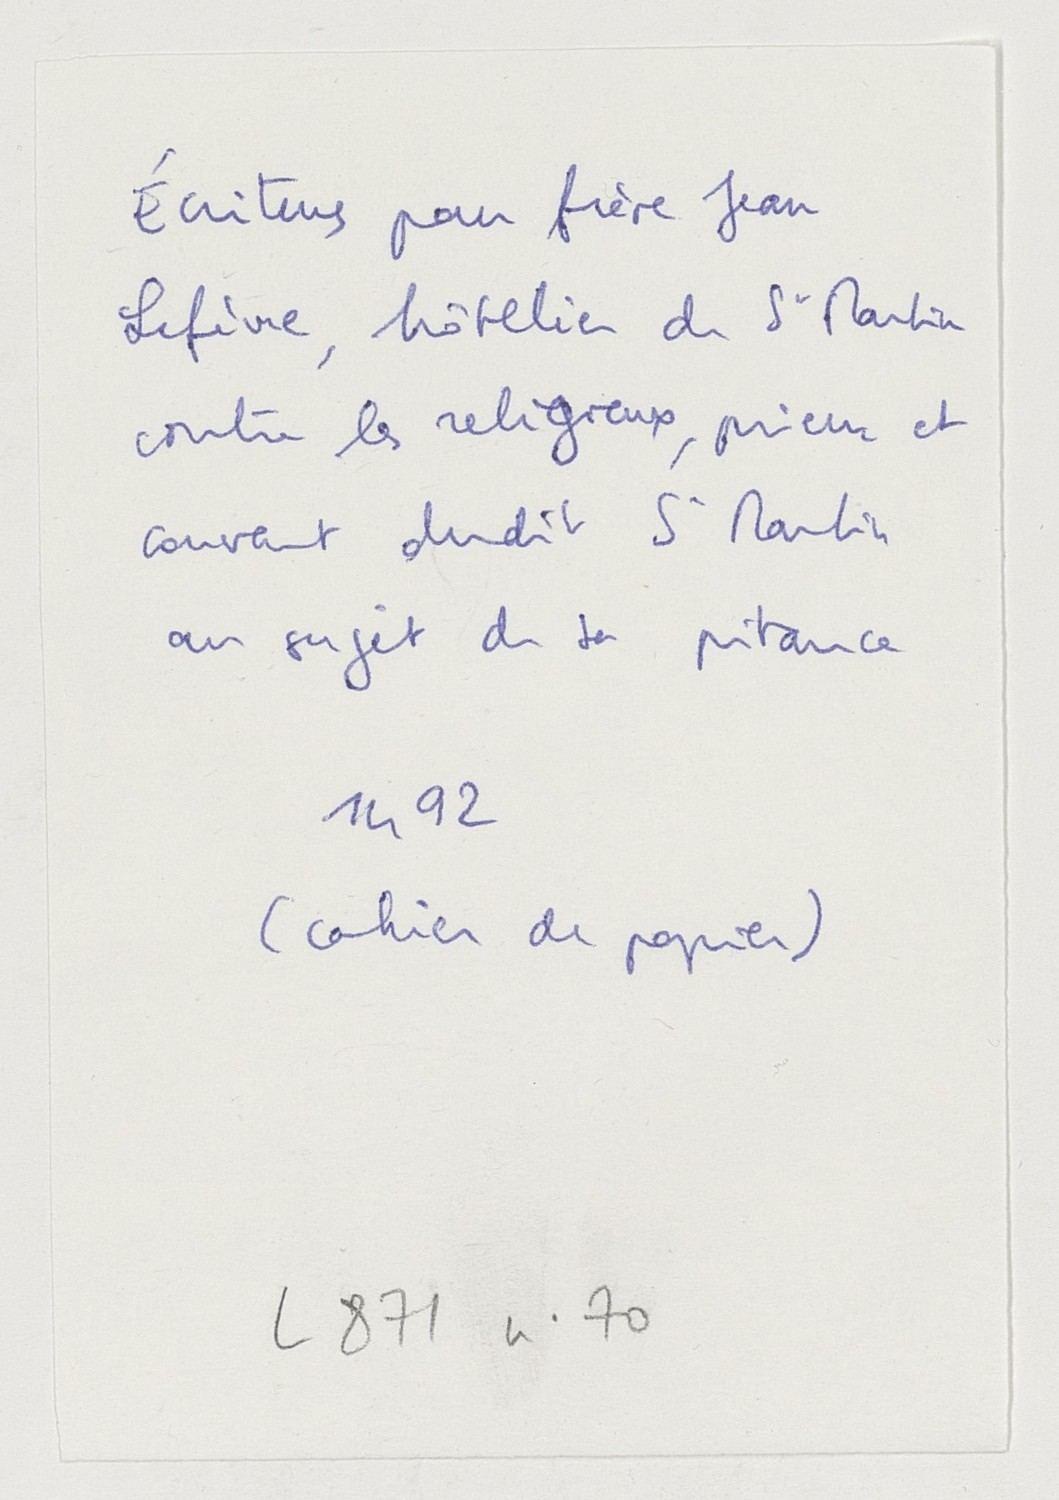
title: Écritures pour frère Jean Lefèvre, hôtelier de Saint-Martin, contre les religieux, prieur et couvent dudit Saint-Martin au sujet de sa pitance
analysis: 1492
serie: L
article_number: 871
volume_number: n° 70
